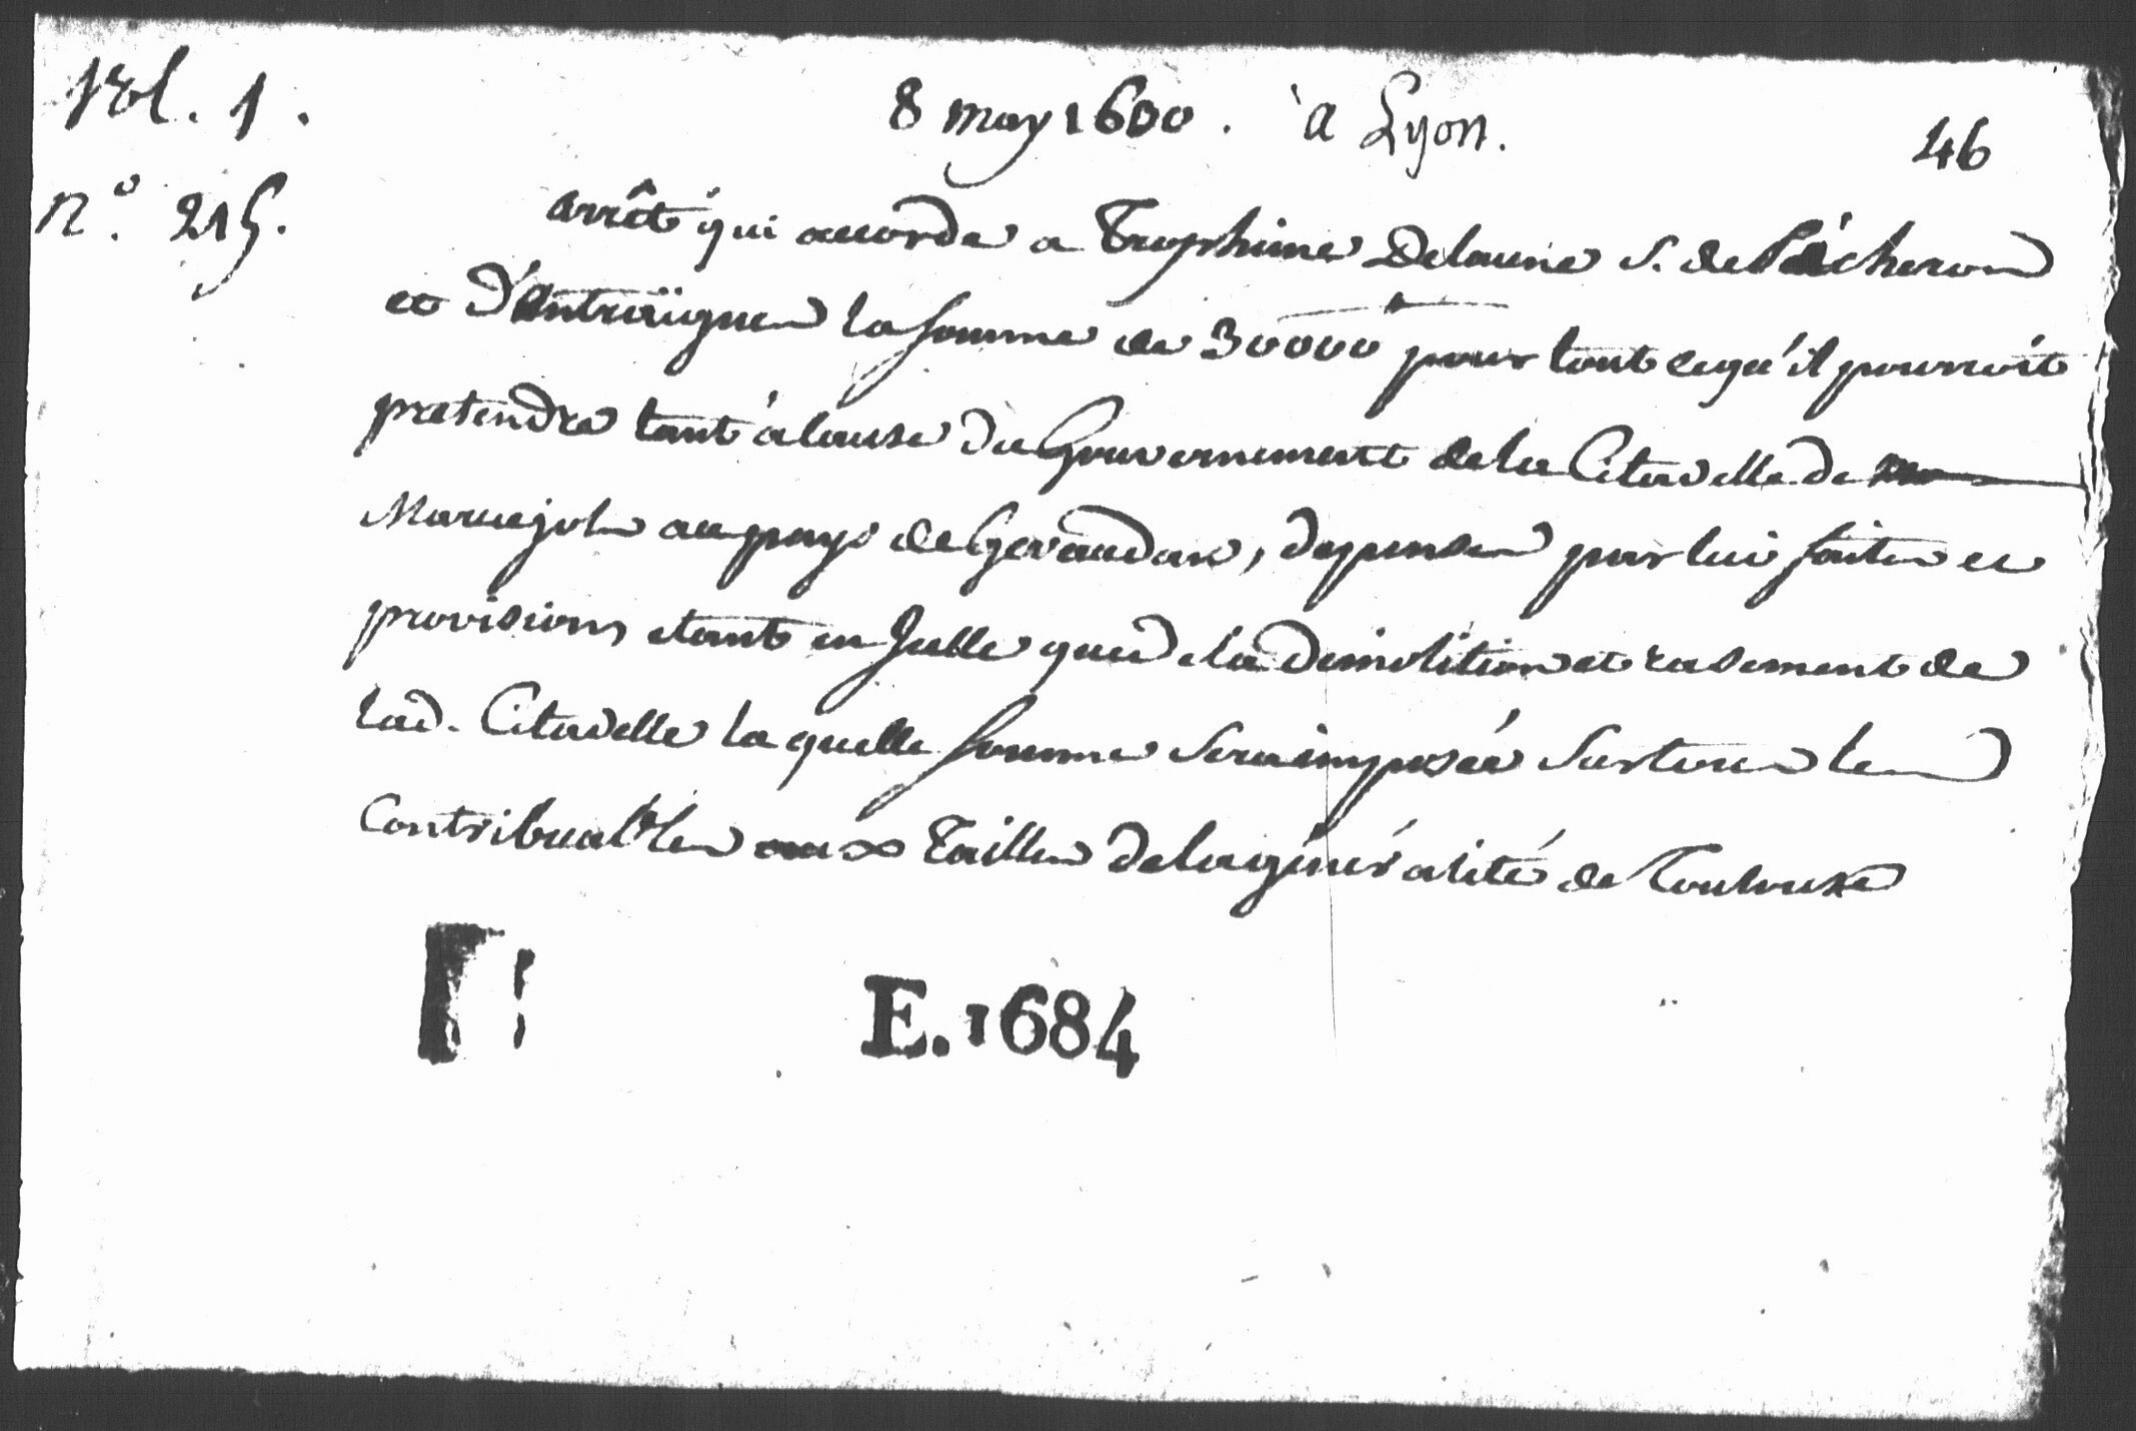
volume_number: n°215
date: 8 mai 1630
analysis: a Lyon 46
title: Arrêt qui accorde à Trophime Delaune S. de Picheron et d'Antraïgues la somme de 30000 # pour tout ce qu'il pourroit prétendre tant à cause du gouvernement de la citadelle de Marvejols au pays de Gevaudan, depenses par lui faites et provisions etant en icelle que de la démolition et rasement de lad. Citadelle laquelle somme sera imposée sur tous les contribuables aux tailles de la généralité de Toulouse
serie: E
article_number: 1684
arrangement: vol. 1.
